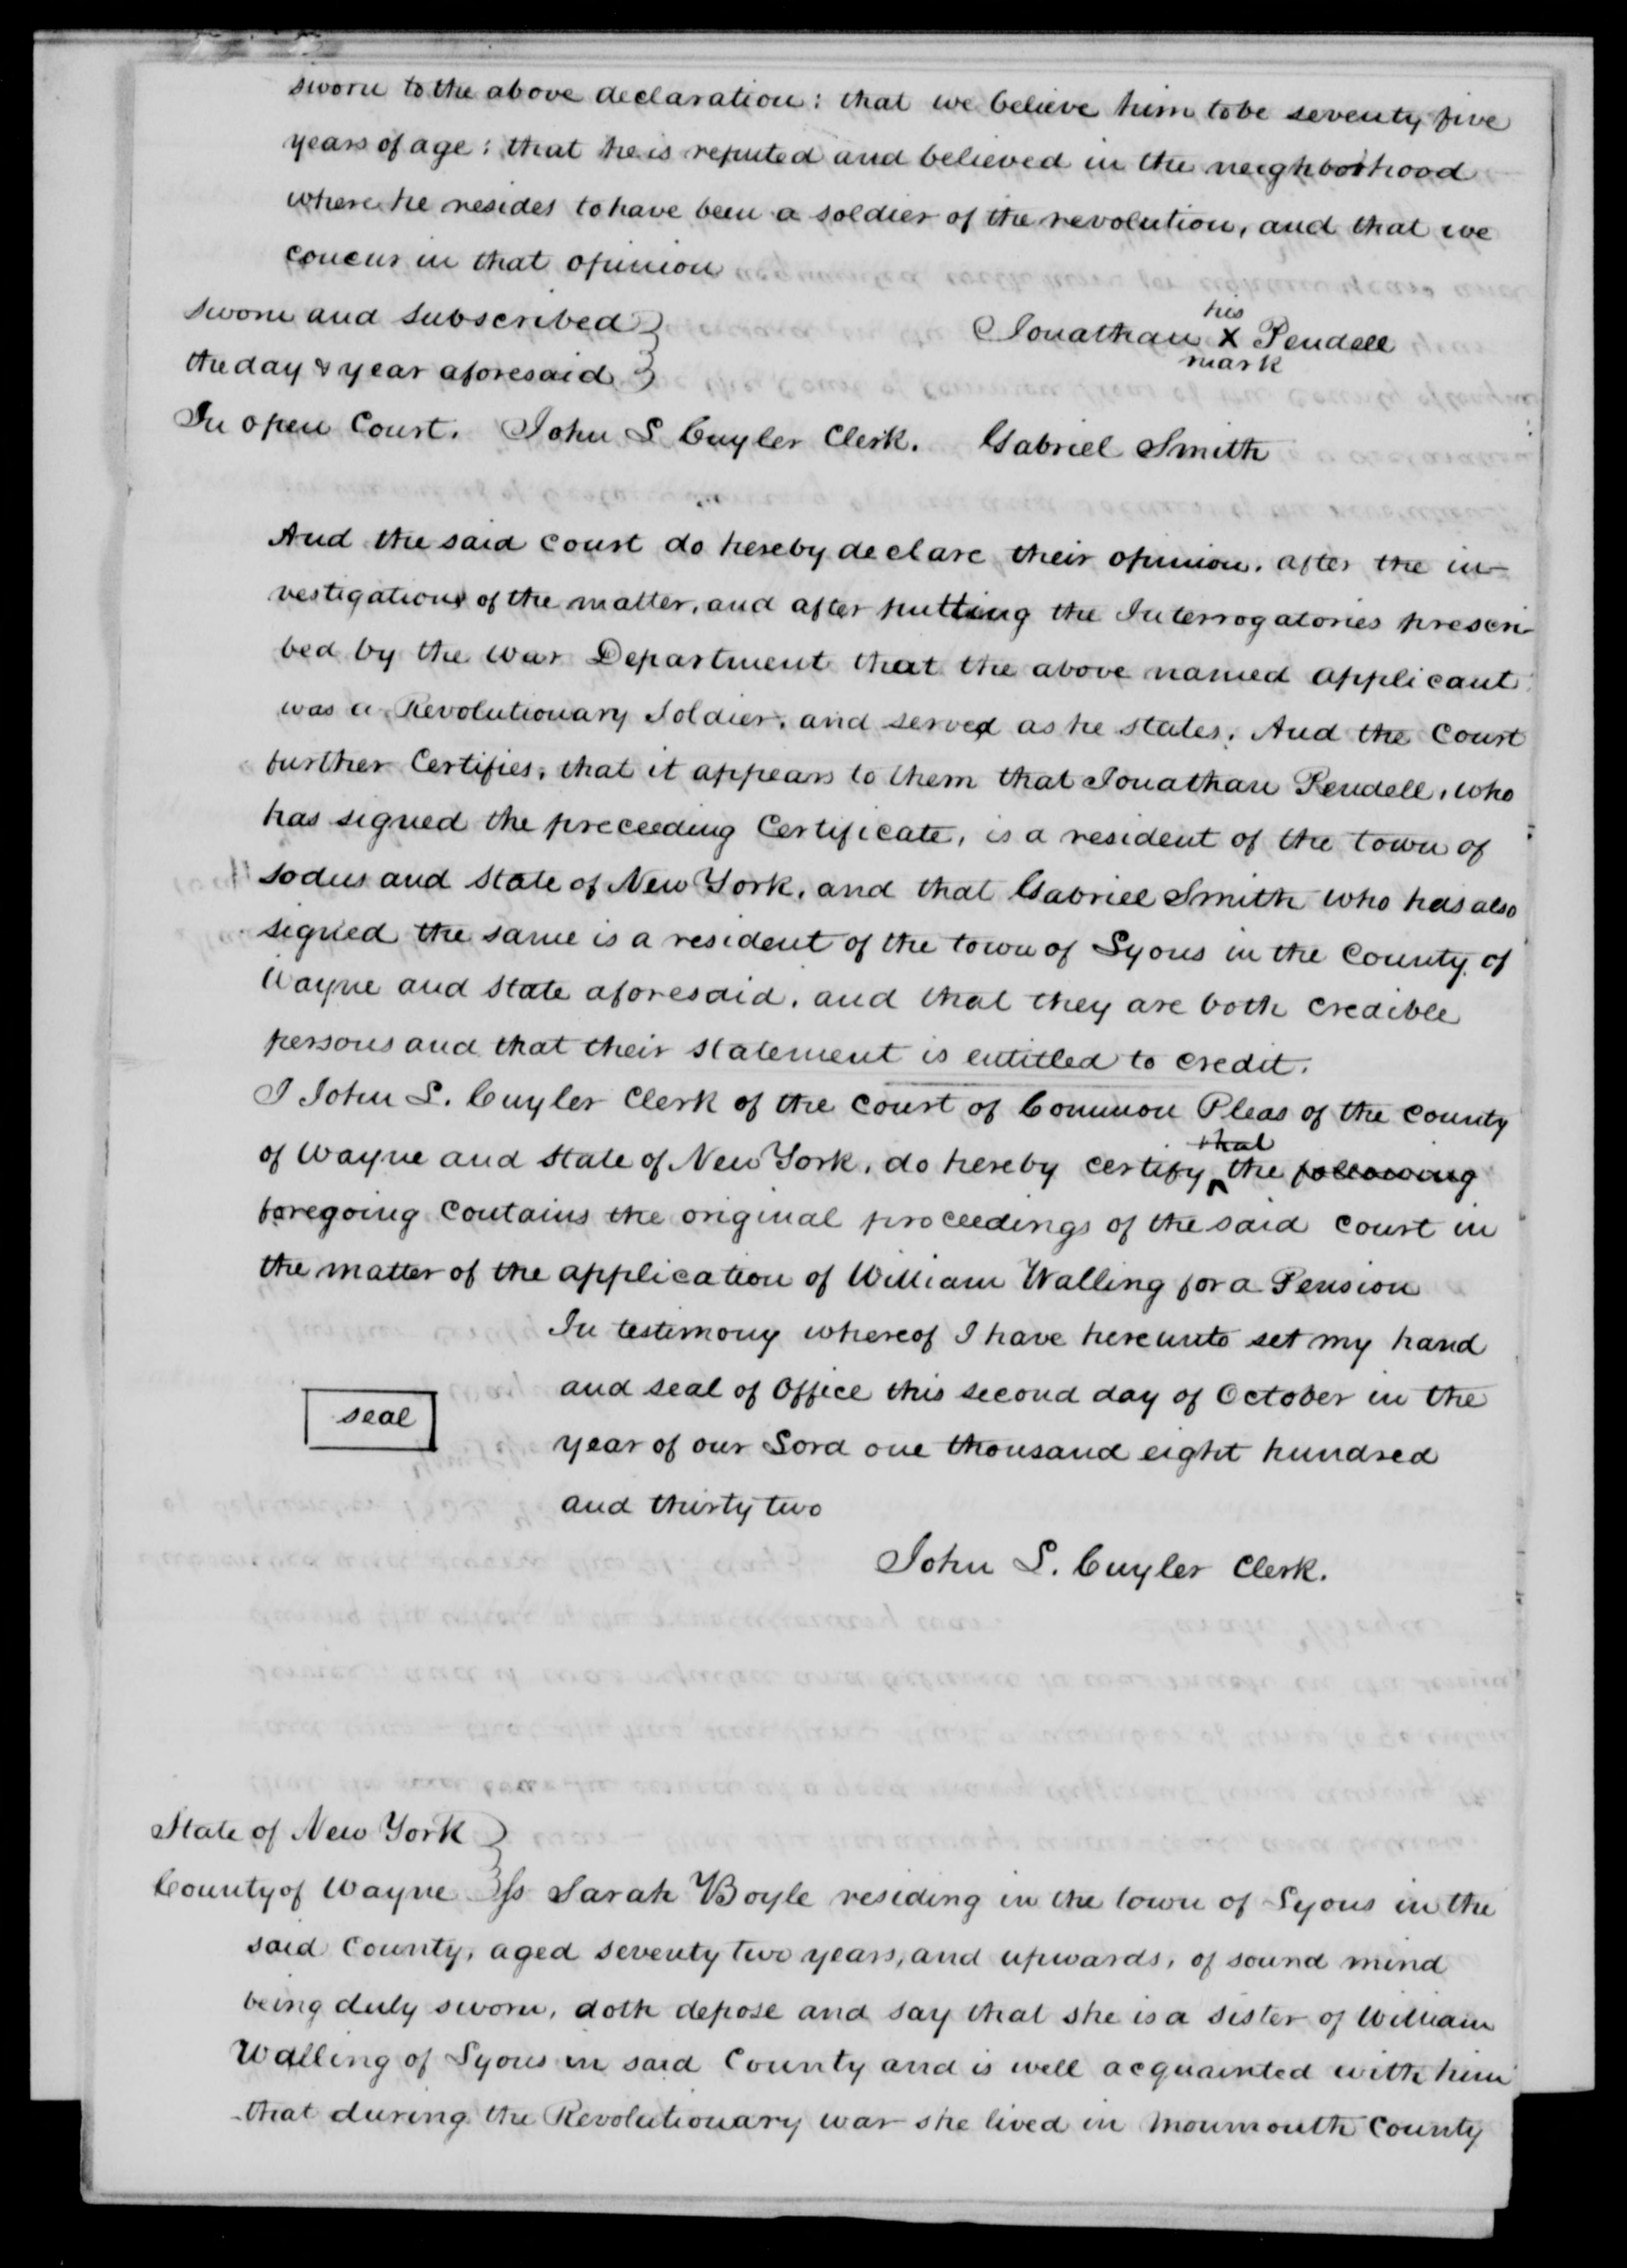sworn to the above declaration: that we believe him to be seventy five
years of age: that he is reputed and believed in the neighborhood where he resides to have been a soldier of the revolution, and that we 
concur in that opinion
Sworn and subscribed }
the day & year aforesaid }
Jonathan his x mark Pendell
Gabriel Smith
In open Court. John L. Cuyler Clerk.

And the said court do hereby declare their opinion, after the in-
vestigations of the matter, and after putting the Interrogatories prescri-
bed by the War Department that the above named applicant
was a Revolutionary Soldier, and served as he states. And the Court
further Certifies that it appears to them that Jonathan Pendell, who
has signed the preceding Certificate, is a resident of the town of
Sodus and State of New York, and that Gabriel Smith who has also
signed the same is a resident of the town of Lyons in the County of
Wayne and state aforesaid, and that they are both credible
persons and that their statement is entitled to credit.
I John L Cuyler Clerk of the Court of Common Pleas of the county
of Wayne and State of New York, do hereby certify [insertion] that [/insertion] the [struck out] following [/struck out]
foregoing contains the original proceedings of the said court in
the matter of the application of William Walling for a Pension.
[hand-drawn box enclosing the word seal] In testimony whereof I have hereunto set my hand
and seal of Office this second day of October in the 
year of our Lord one thousand eight hundred
and thirty two
John L. Cuyler Clerk.

State of New York }
County of Wayne } ss Sarah Boyle residing in the town of Lyons in the
said county, aged seventy two years and upwards, of sound mind
being duly sworn, doth depose and say that she is the sister of William
Walling of Lyons in said County and is well acquainted with him
that during the Revolutionary war she lived in Monmouth County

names: Sarah Boyle, John L Cuyler, Jonathan Pendell, William Walling, Gabriel Smith, John L Cuyler, Jonathan Pendell, John L Cuyler, Gabriel Smith, William Walling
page: 43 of 66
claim: widow's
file: W. 19588, William Walling, New Jersey